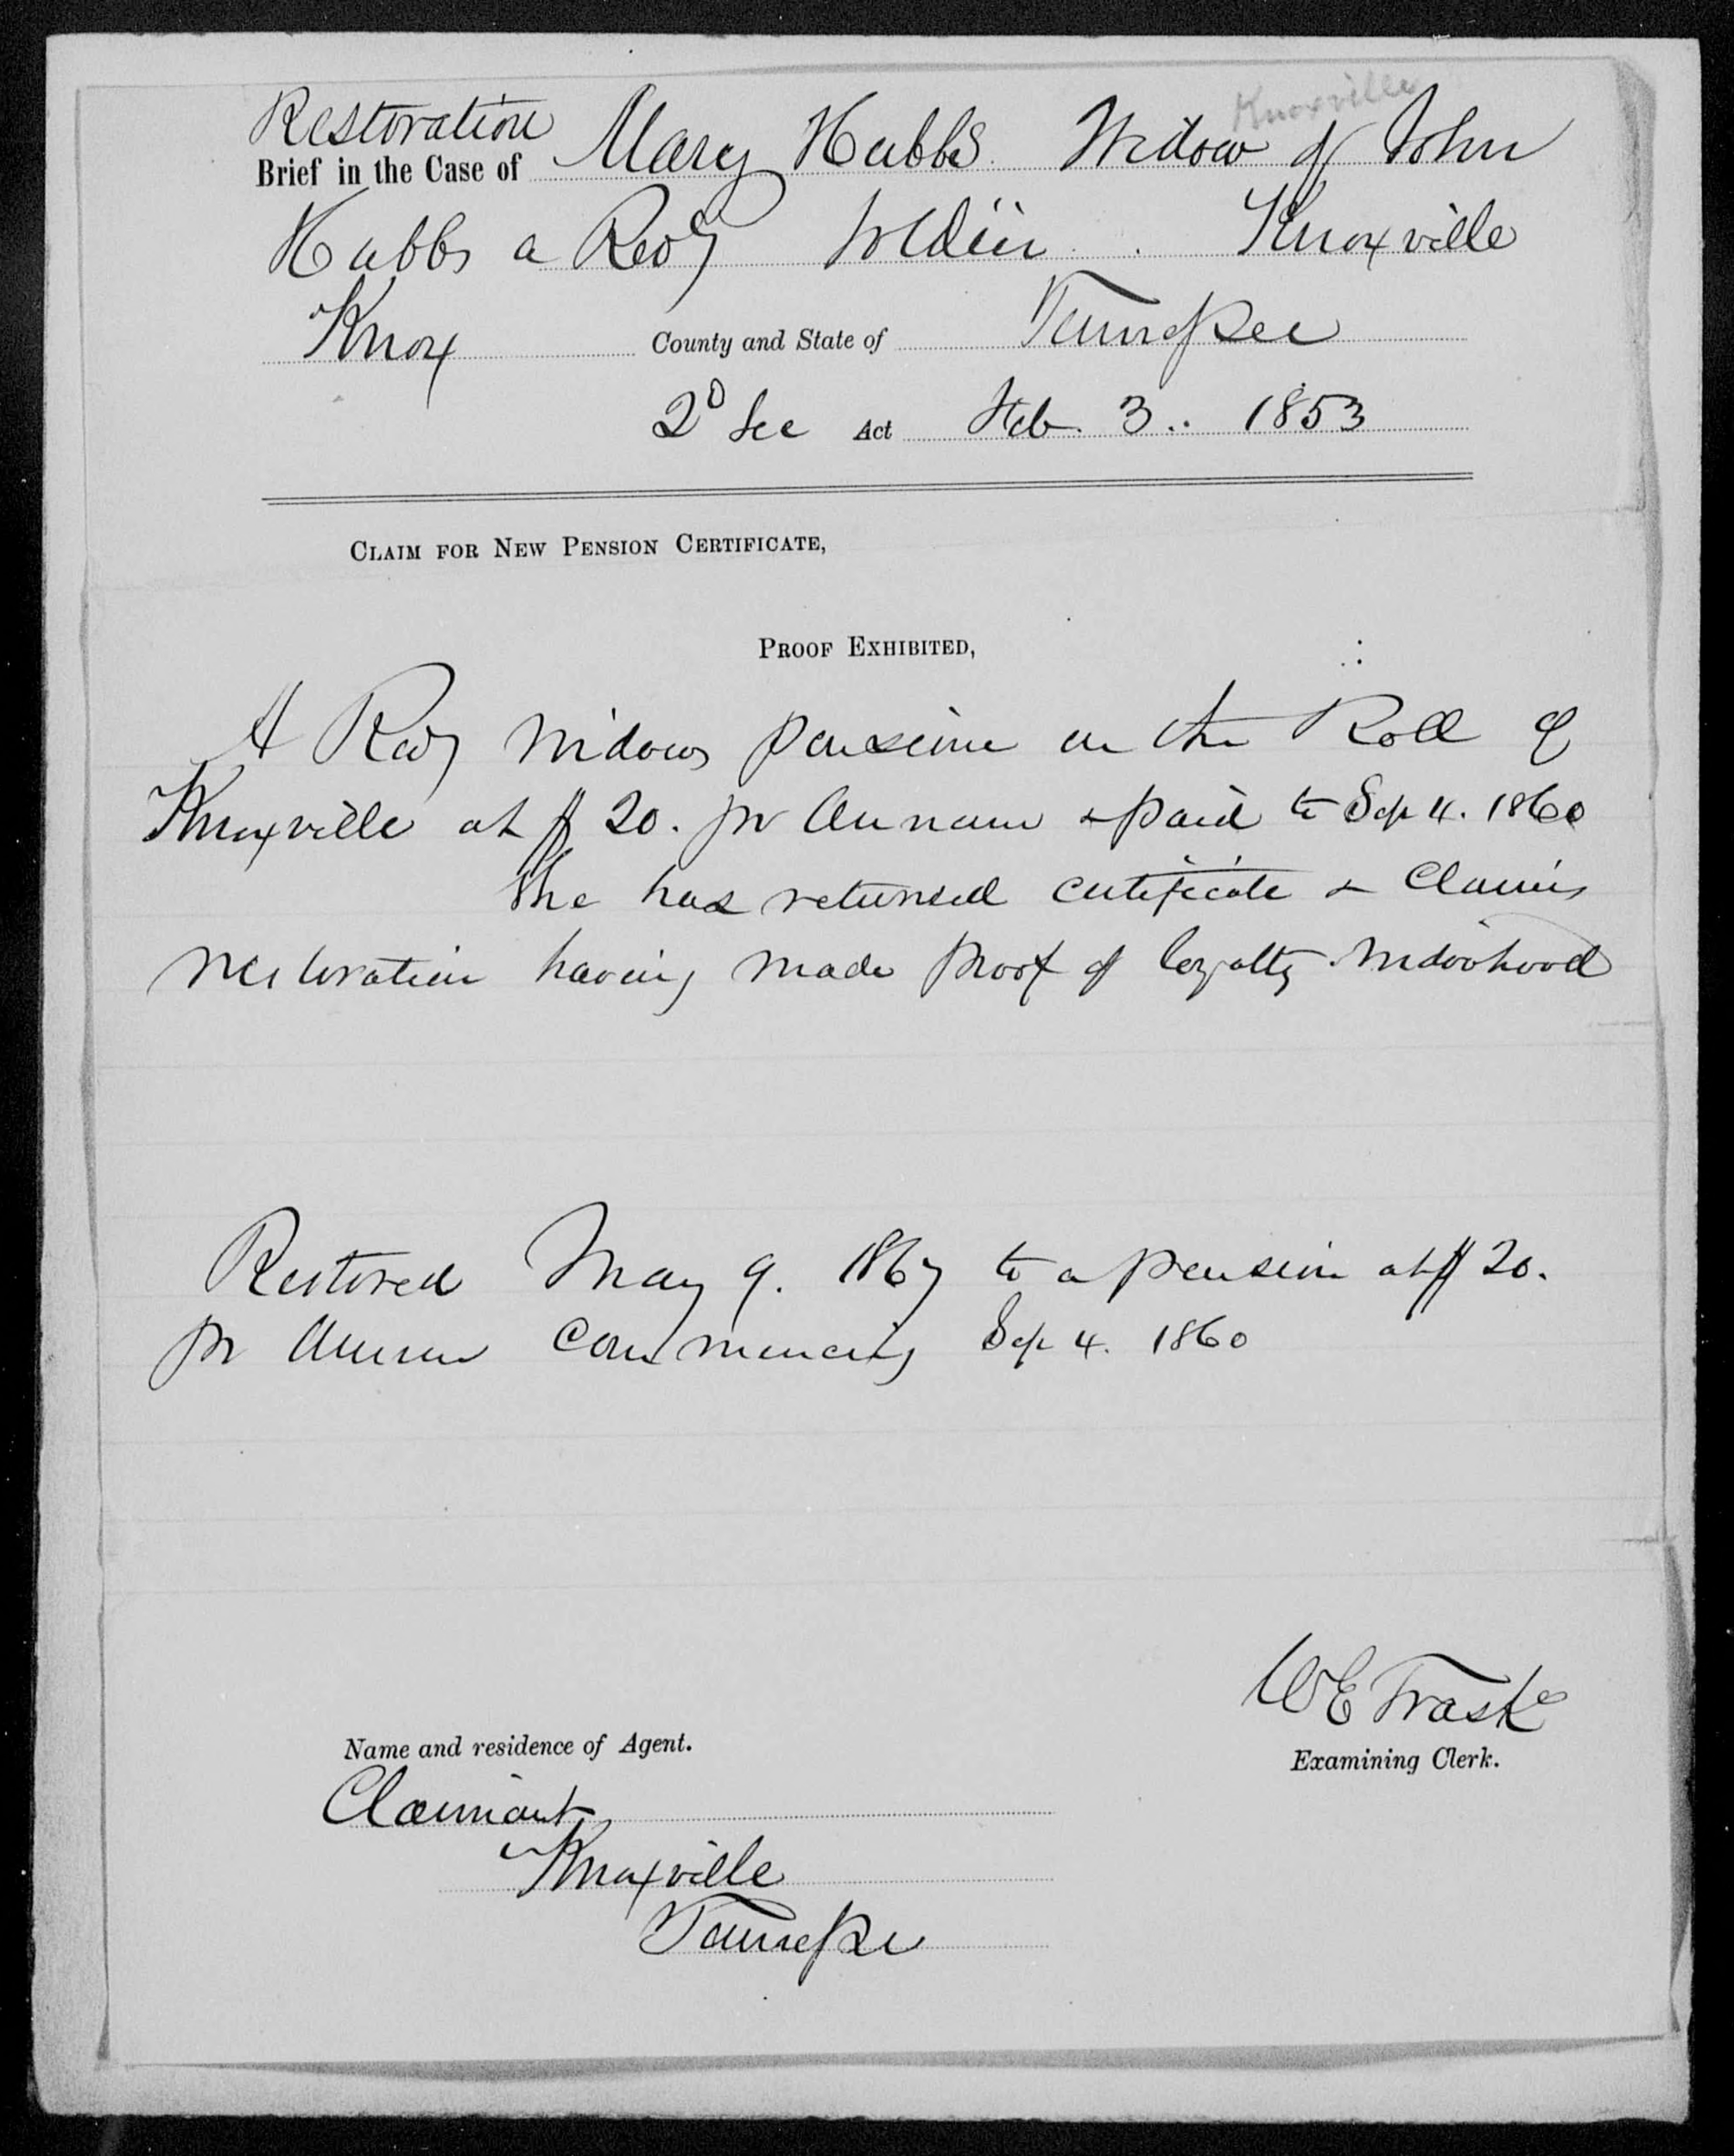Restoration Brief in the Case of Mary Hubbs Widow of John Hubbs a Revy. Soldier Knoxville Knox County and State of Tennessee
2d See Act Feb 3, 1853 
--------------------------
CLAIM FOR NEW PENSION CERTIFICATE,
PROOF EXHIBITED,

A Rev widow pension on the Roll of Knoxville at $20. per annum paid to Sep $, 1860
She has returned certificate & claims restoration having made proof of loyalty widowhood

Restored May 9. 1867 to a pension of $20.
per Annum commencing Sep 4, 1860

Name and residence of Agent.
Claimant
Knoxville
Tennessee

W. E Trask
Examining Clerk.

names: Mary Hubbs, John Hubbs, W E Frask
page: 34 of 86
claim: widow's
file: W. 1035, John Hubbs, S.C.